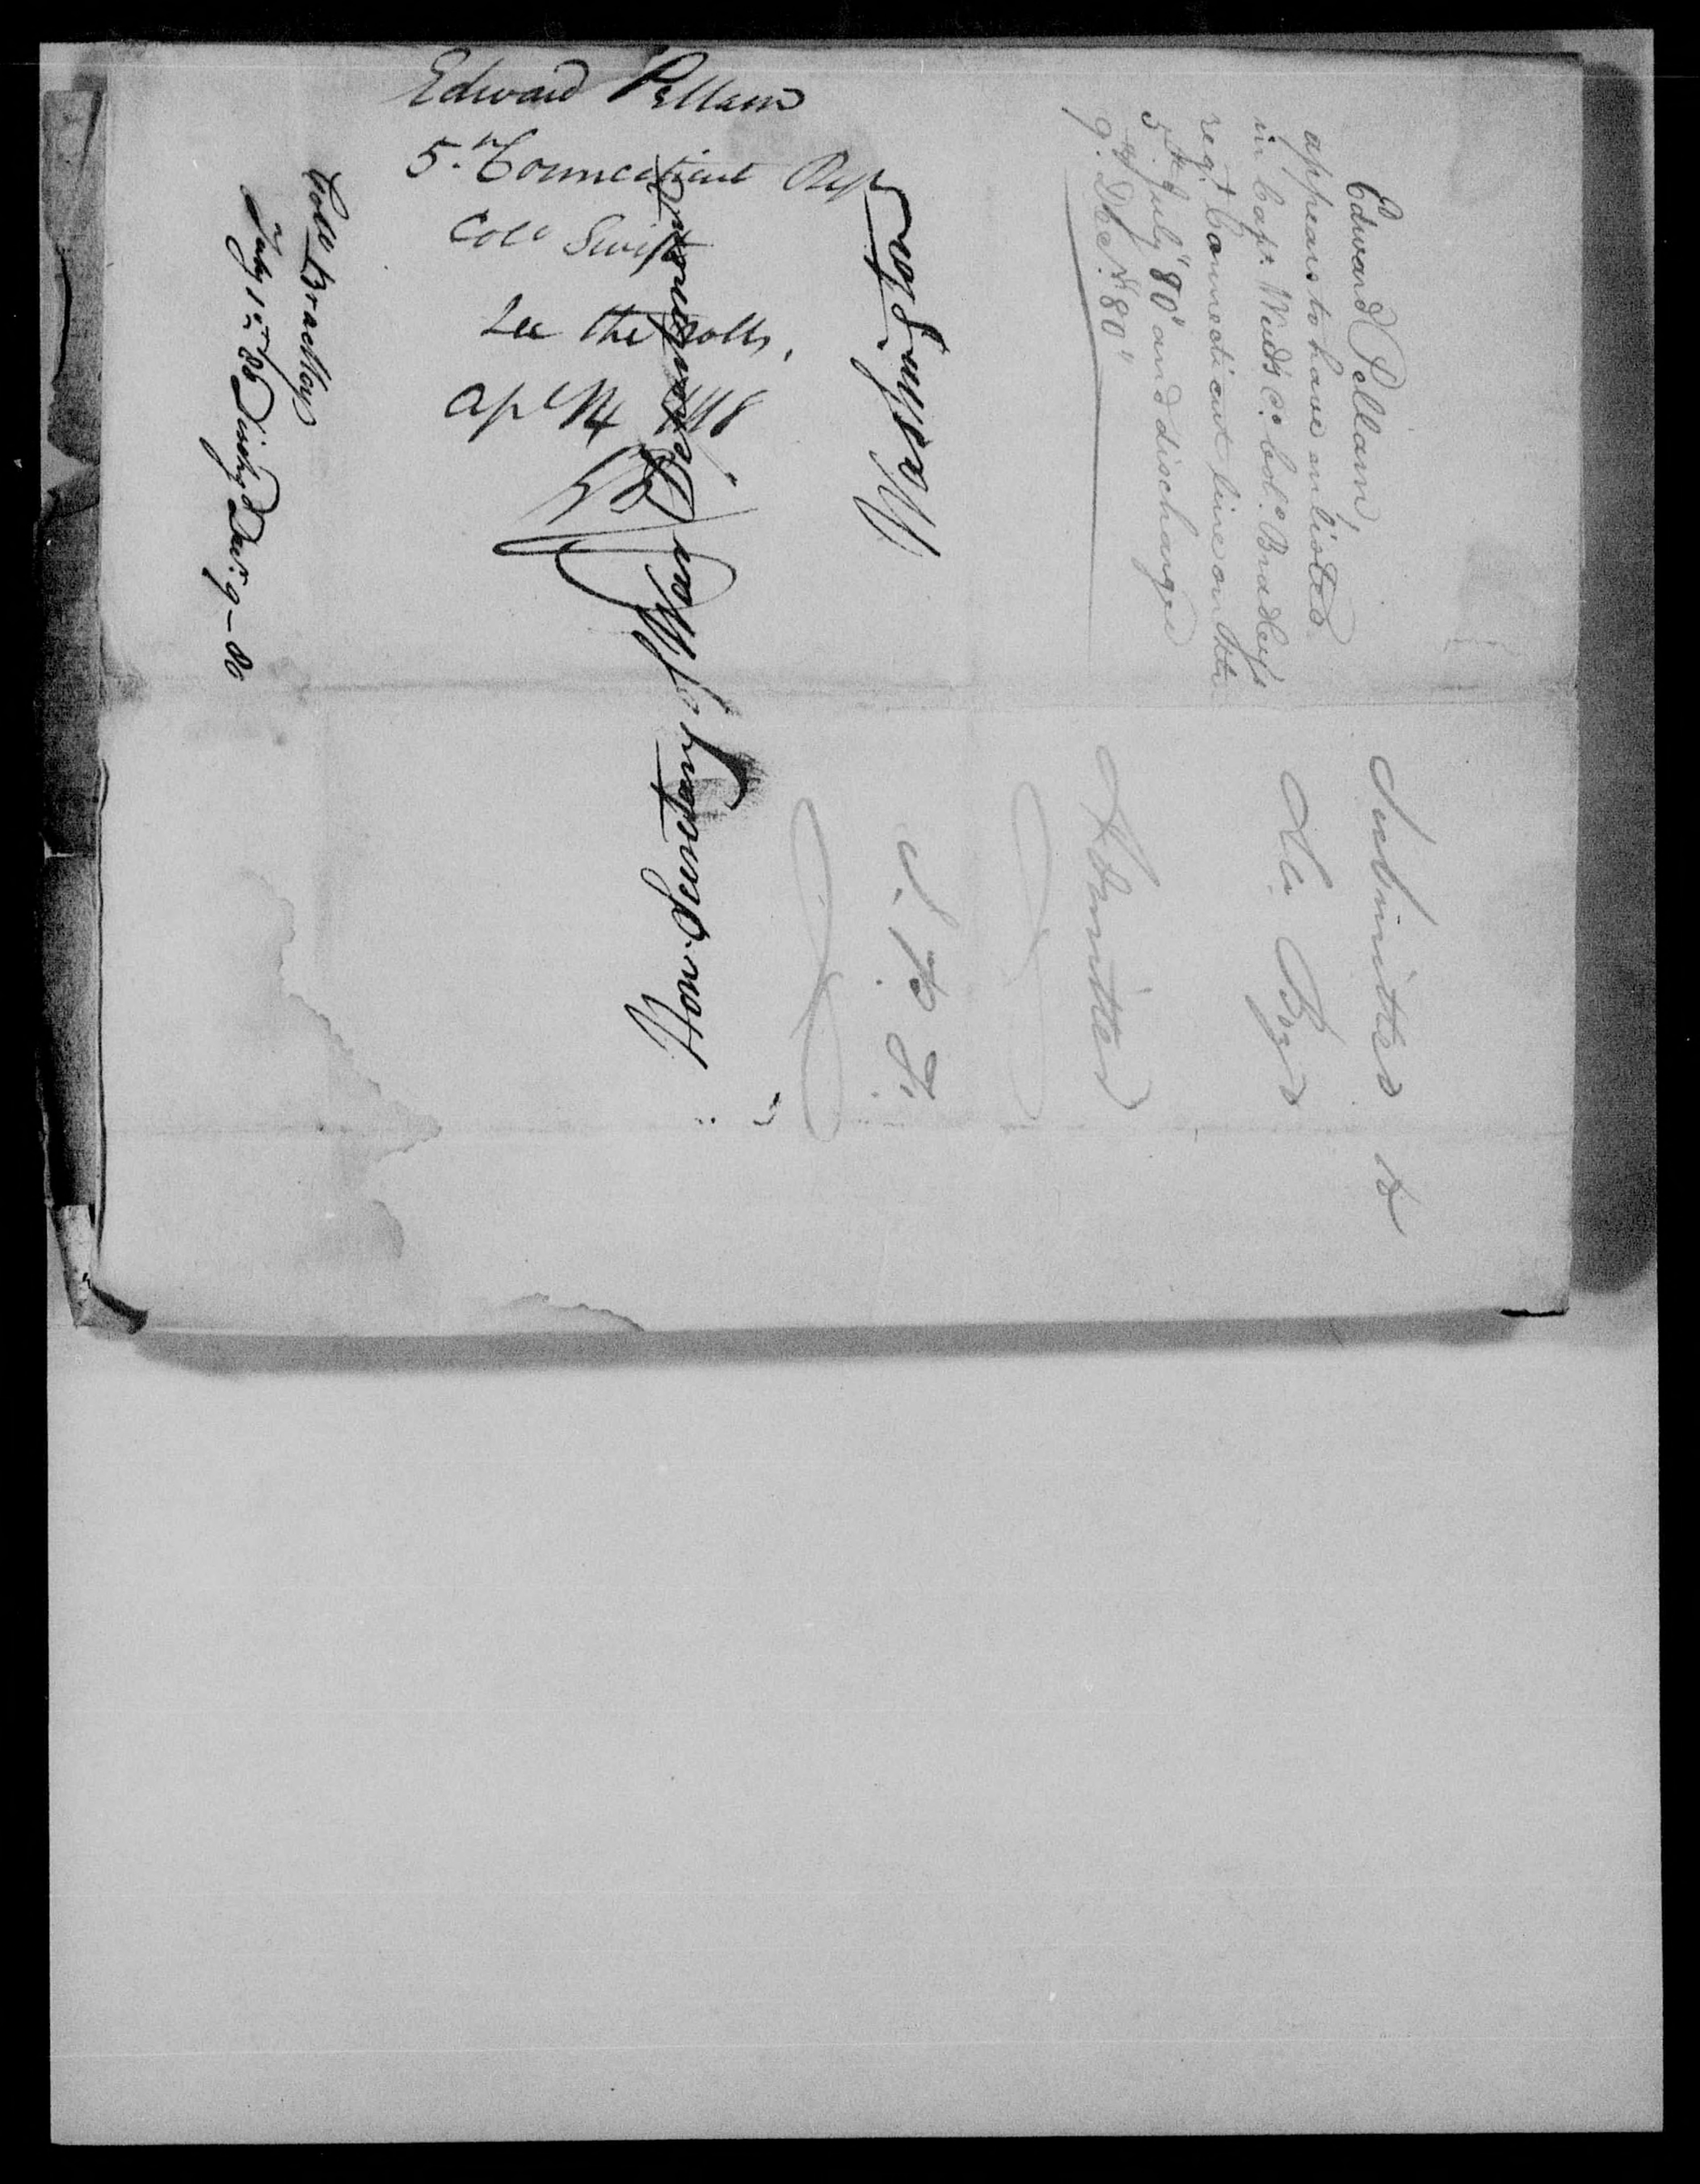[Duplicate of image 4 rotated 90 degrees]

Edward Pellam appears to have enlisted in Capt Weets Co Col Bradely's reg Connecticut line on the 5th. July "80" and discharged 9th. Dec. "80"

Submitted to [illegible] [illegible]
Admitted
I.P.F.

Edward Pellam
5. Connecticut Reg
Col Swift
[illegible] the [illegible]
[illegible] 14 [illegible]
[illegible]

Hon Secretary of War Department

Col Bradley
July 1st [illegible] Dec 9 - 80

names: [BLANK] Bradley; Edward Pellom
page: 5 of 8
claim: survivor's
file: S. 36216, for Edward Pellom, Connecticut